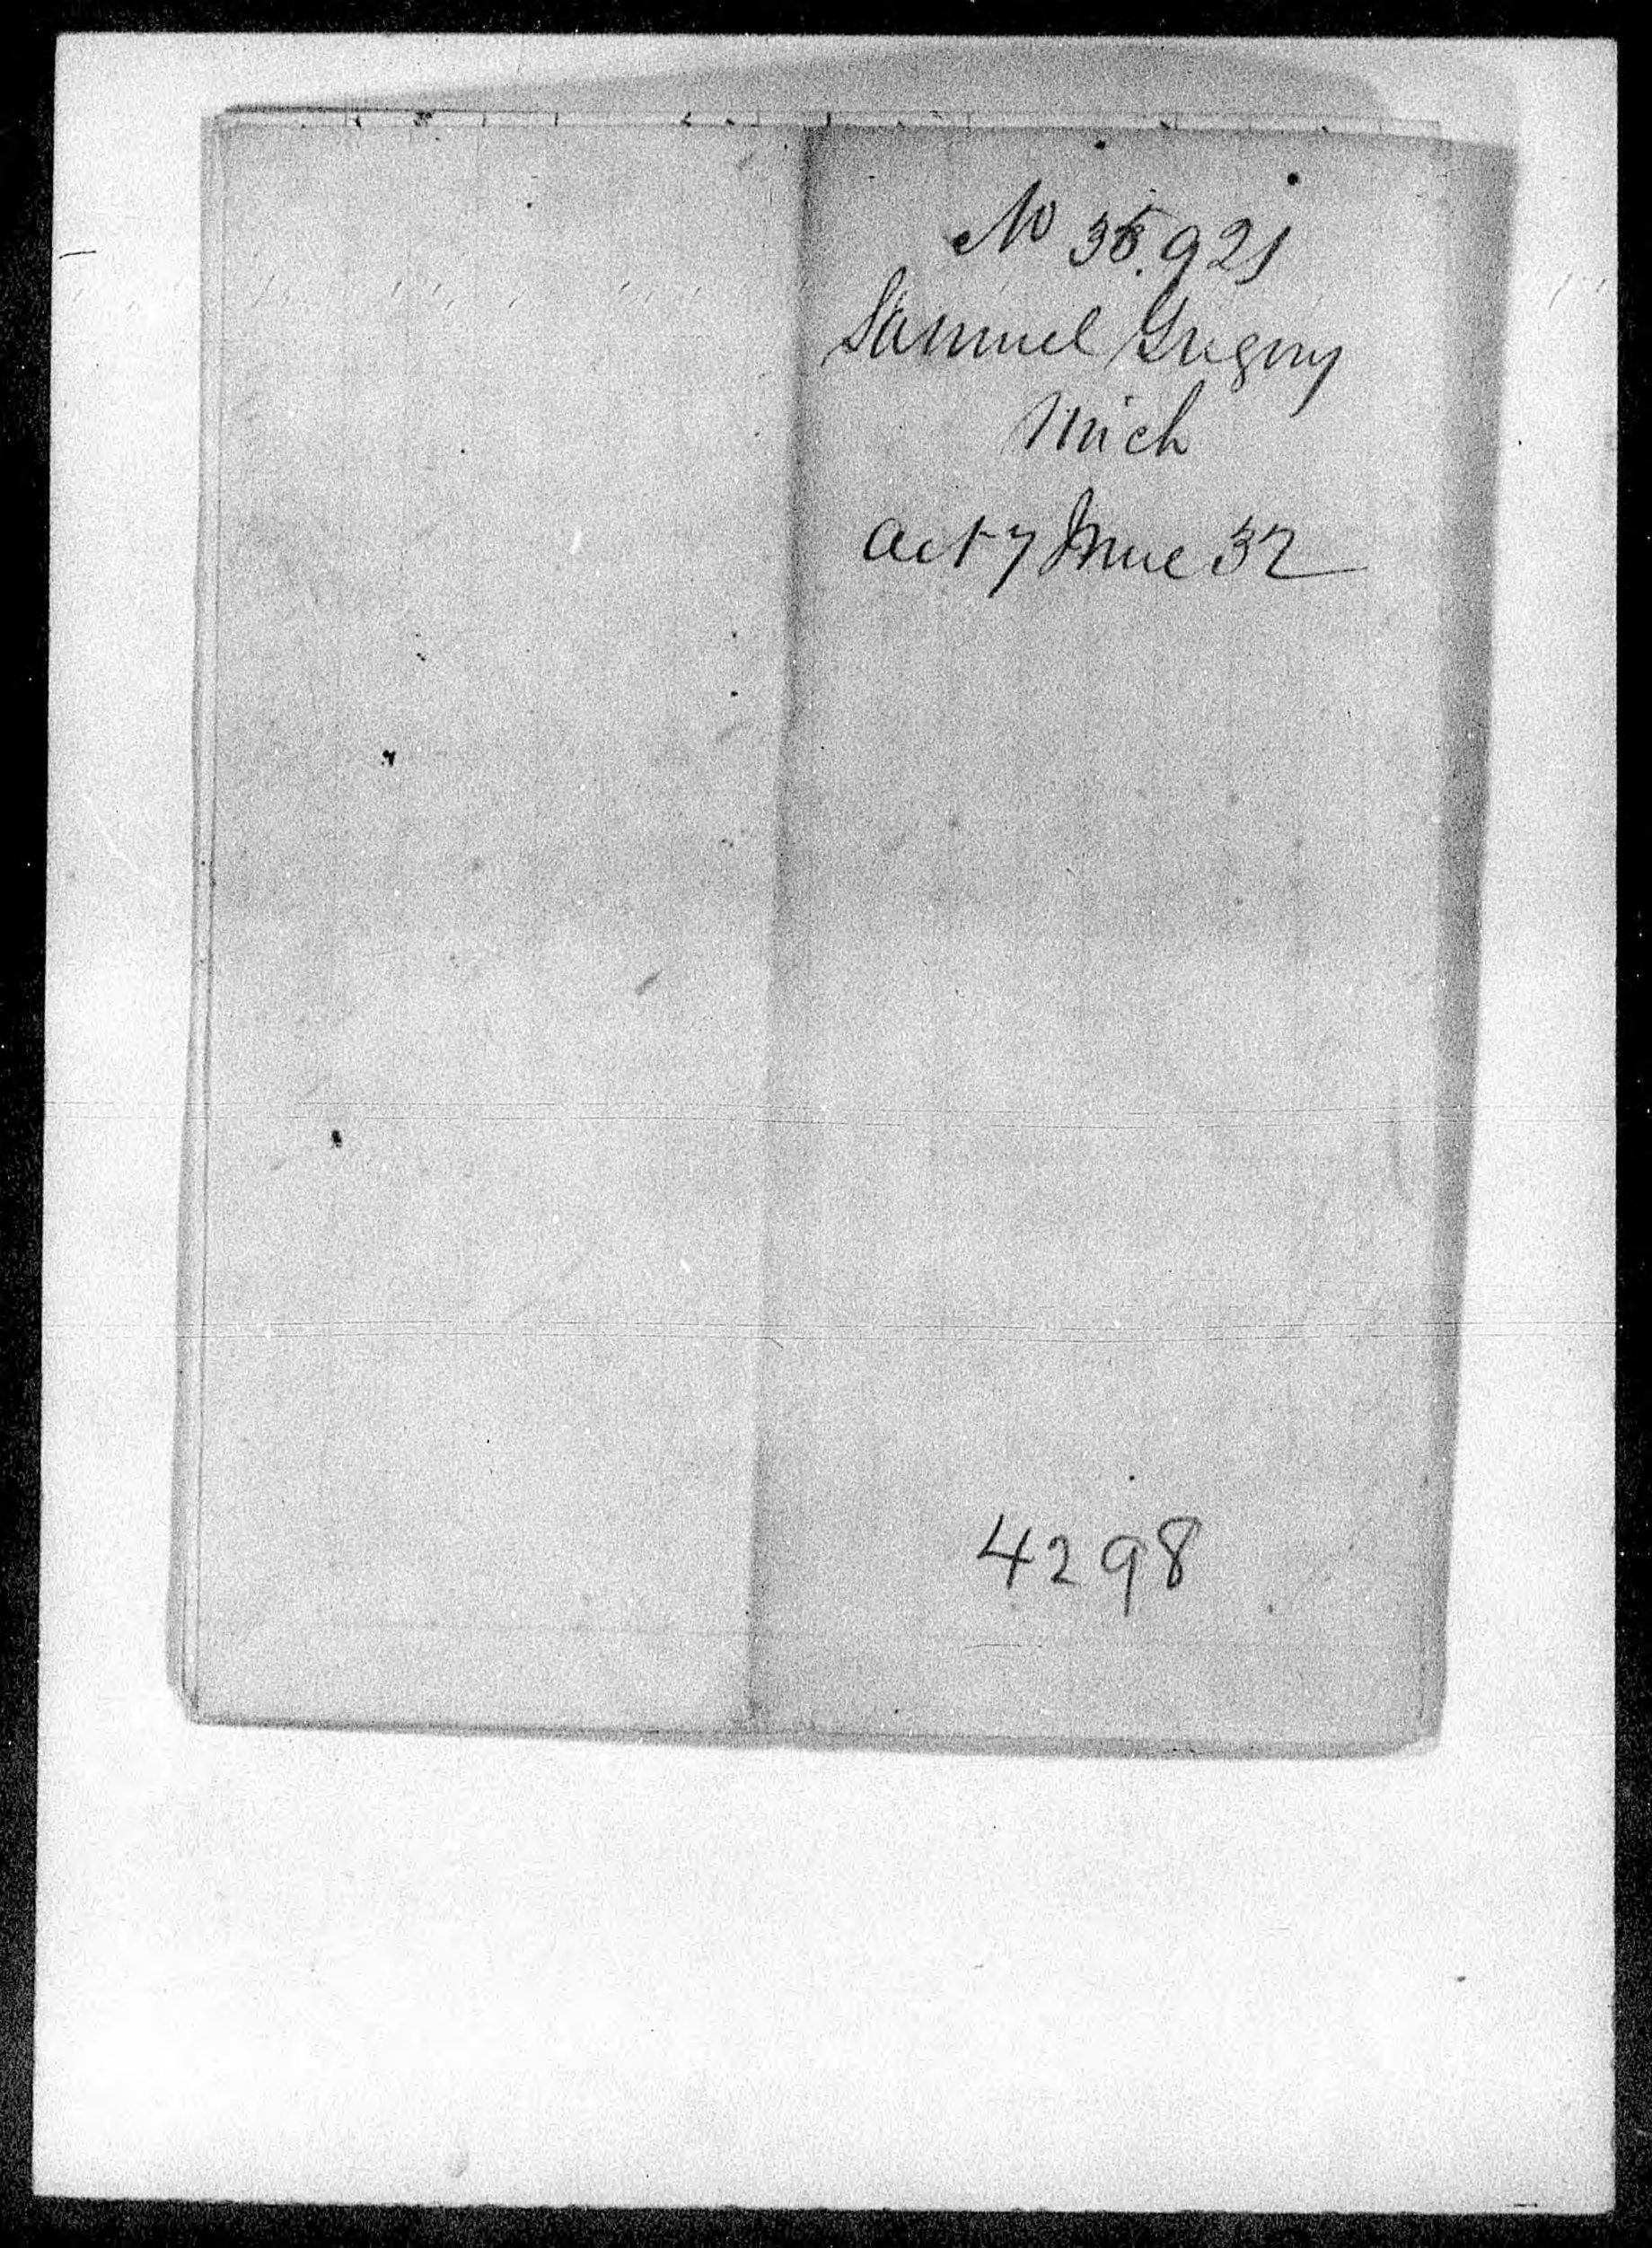No 36.921
Samuel Gregory
Mich
Oct 7 June 32


4298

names: Samuel Gregory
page: 21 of 66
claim: rejected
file: R. 4298, Samuel Gregory, New York